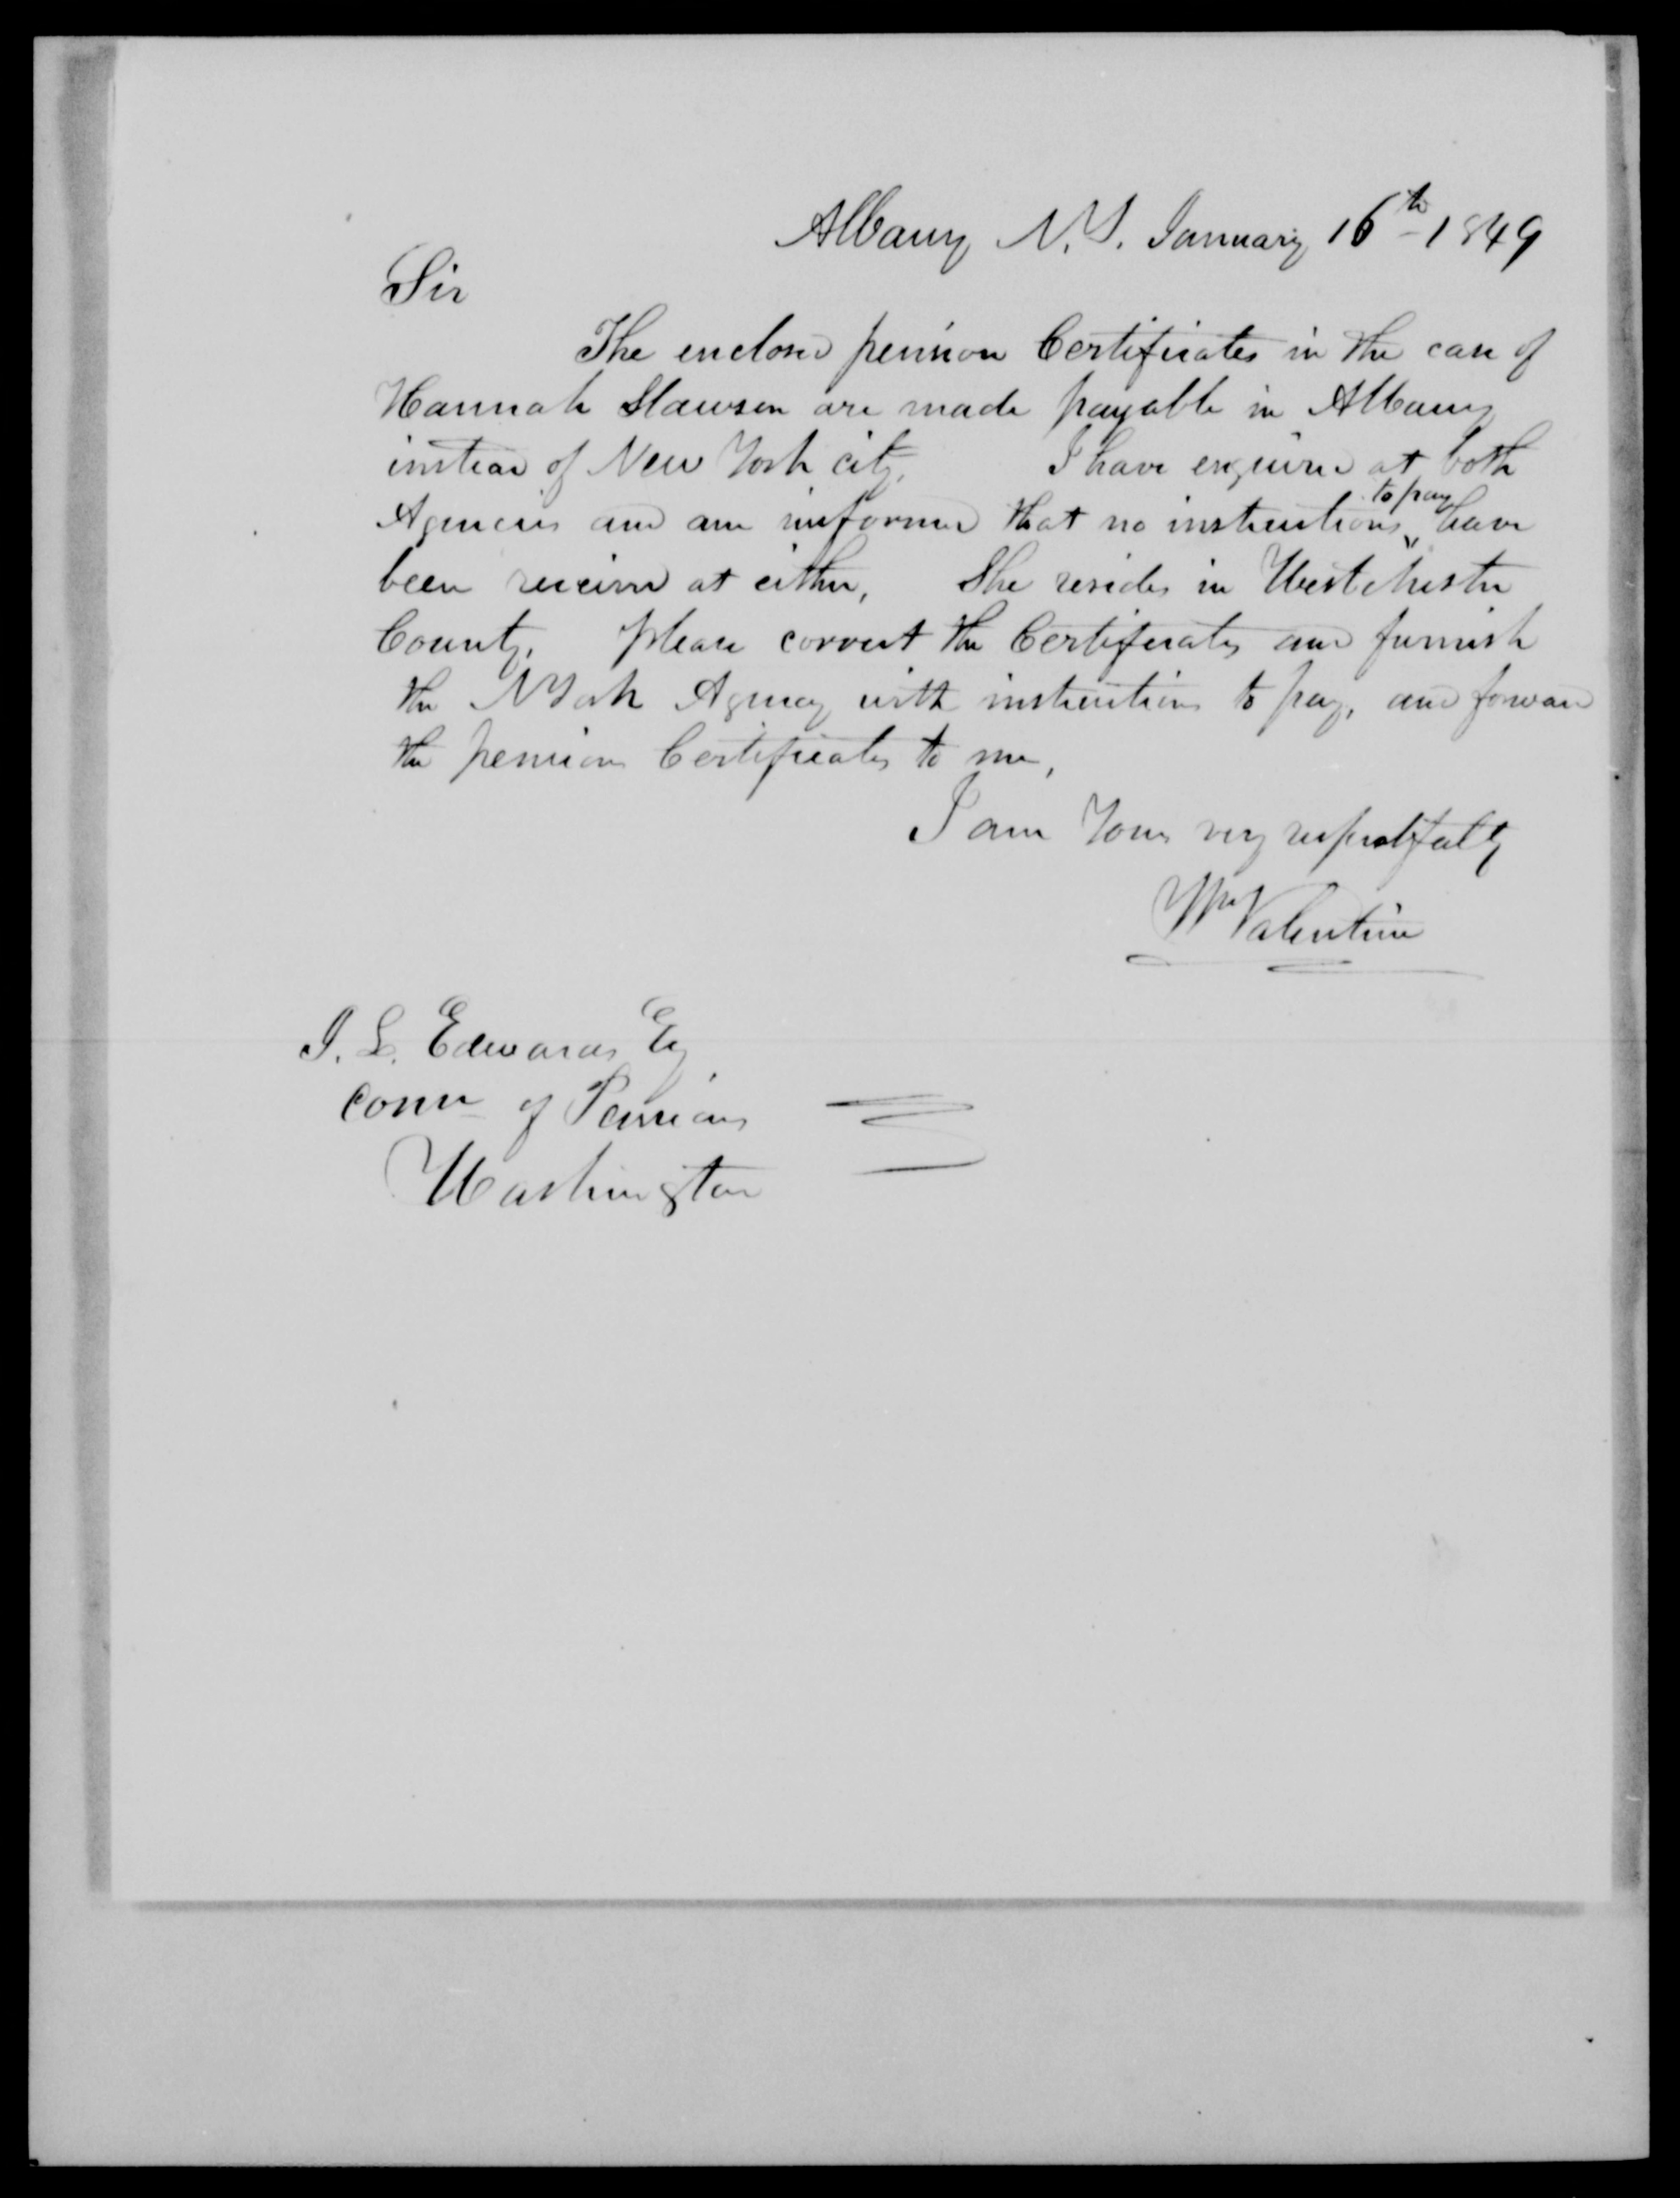Albany N.Y. January 16th 1849 
Sir
The enclosed pension Certificate in the case of Hannah Slawson are made payable in Albany instead of New York City.   I have enquired at both Agencies and am informed that no instructions have been received at either, she resides in Westchester County, please correct the Certificate and furnish the N York Agency with instructions to pay, and forward the pension Certificate to me 
I am your very respectfully 
Wm Valentine 
J. L. Edwards Comm of Pensions Washington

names: Wm Valentine; Hannah Slawson; J L Edwards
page: 46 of 87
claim: widow's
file: W. 22,226, for Nathan Slawson, Connecticut